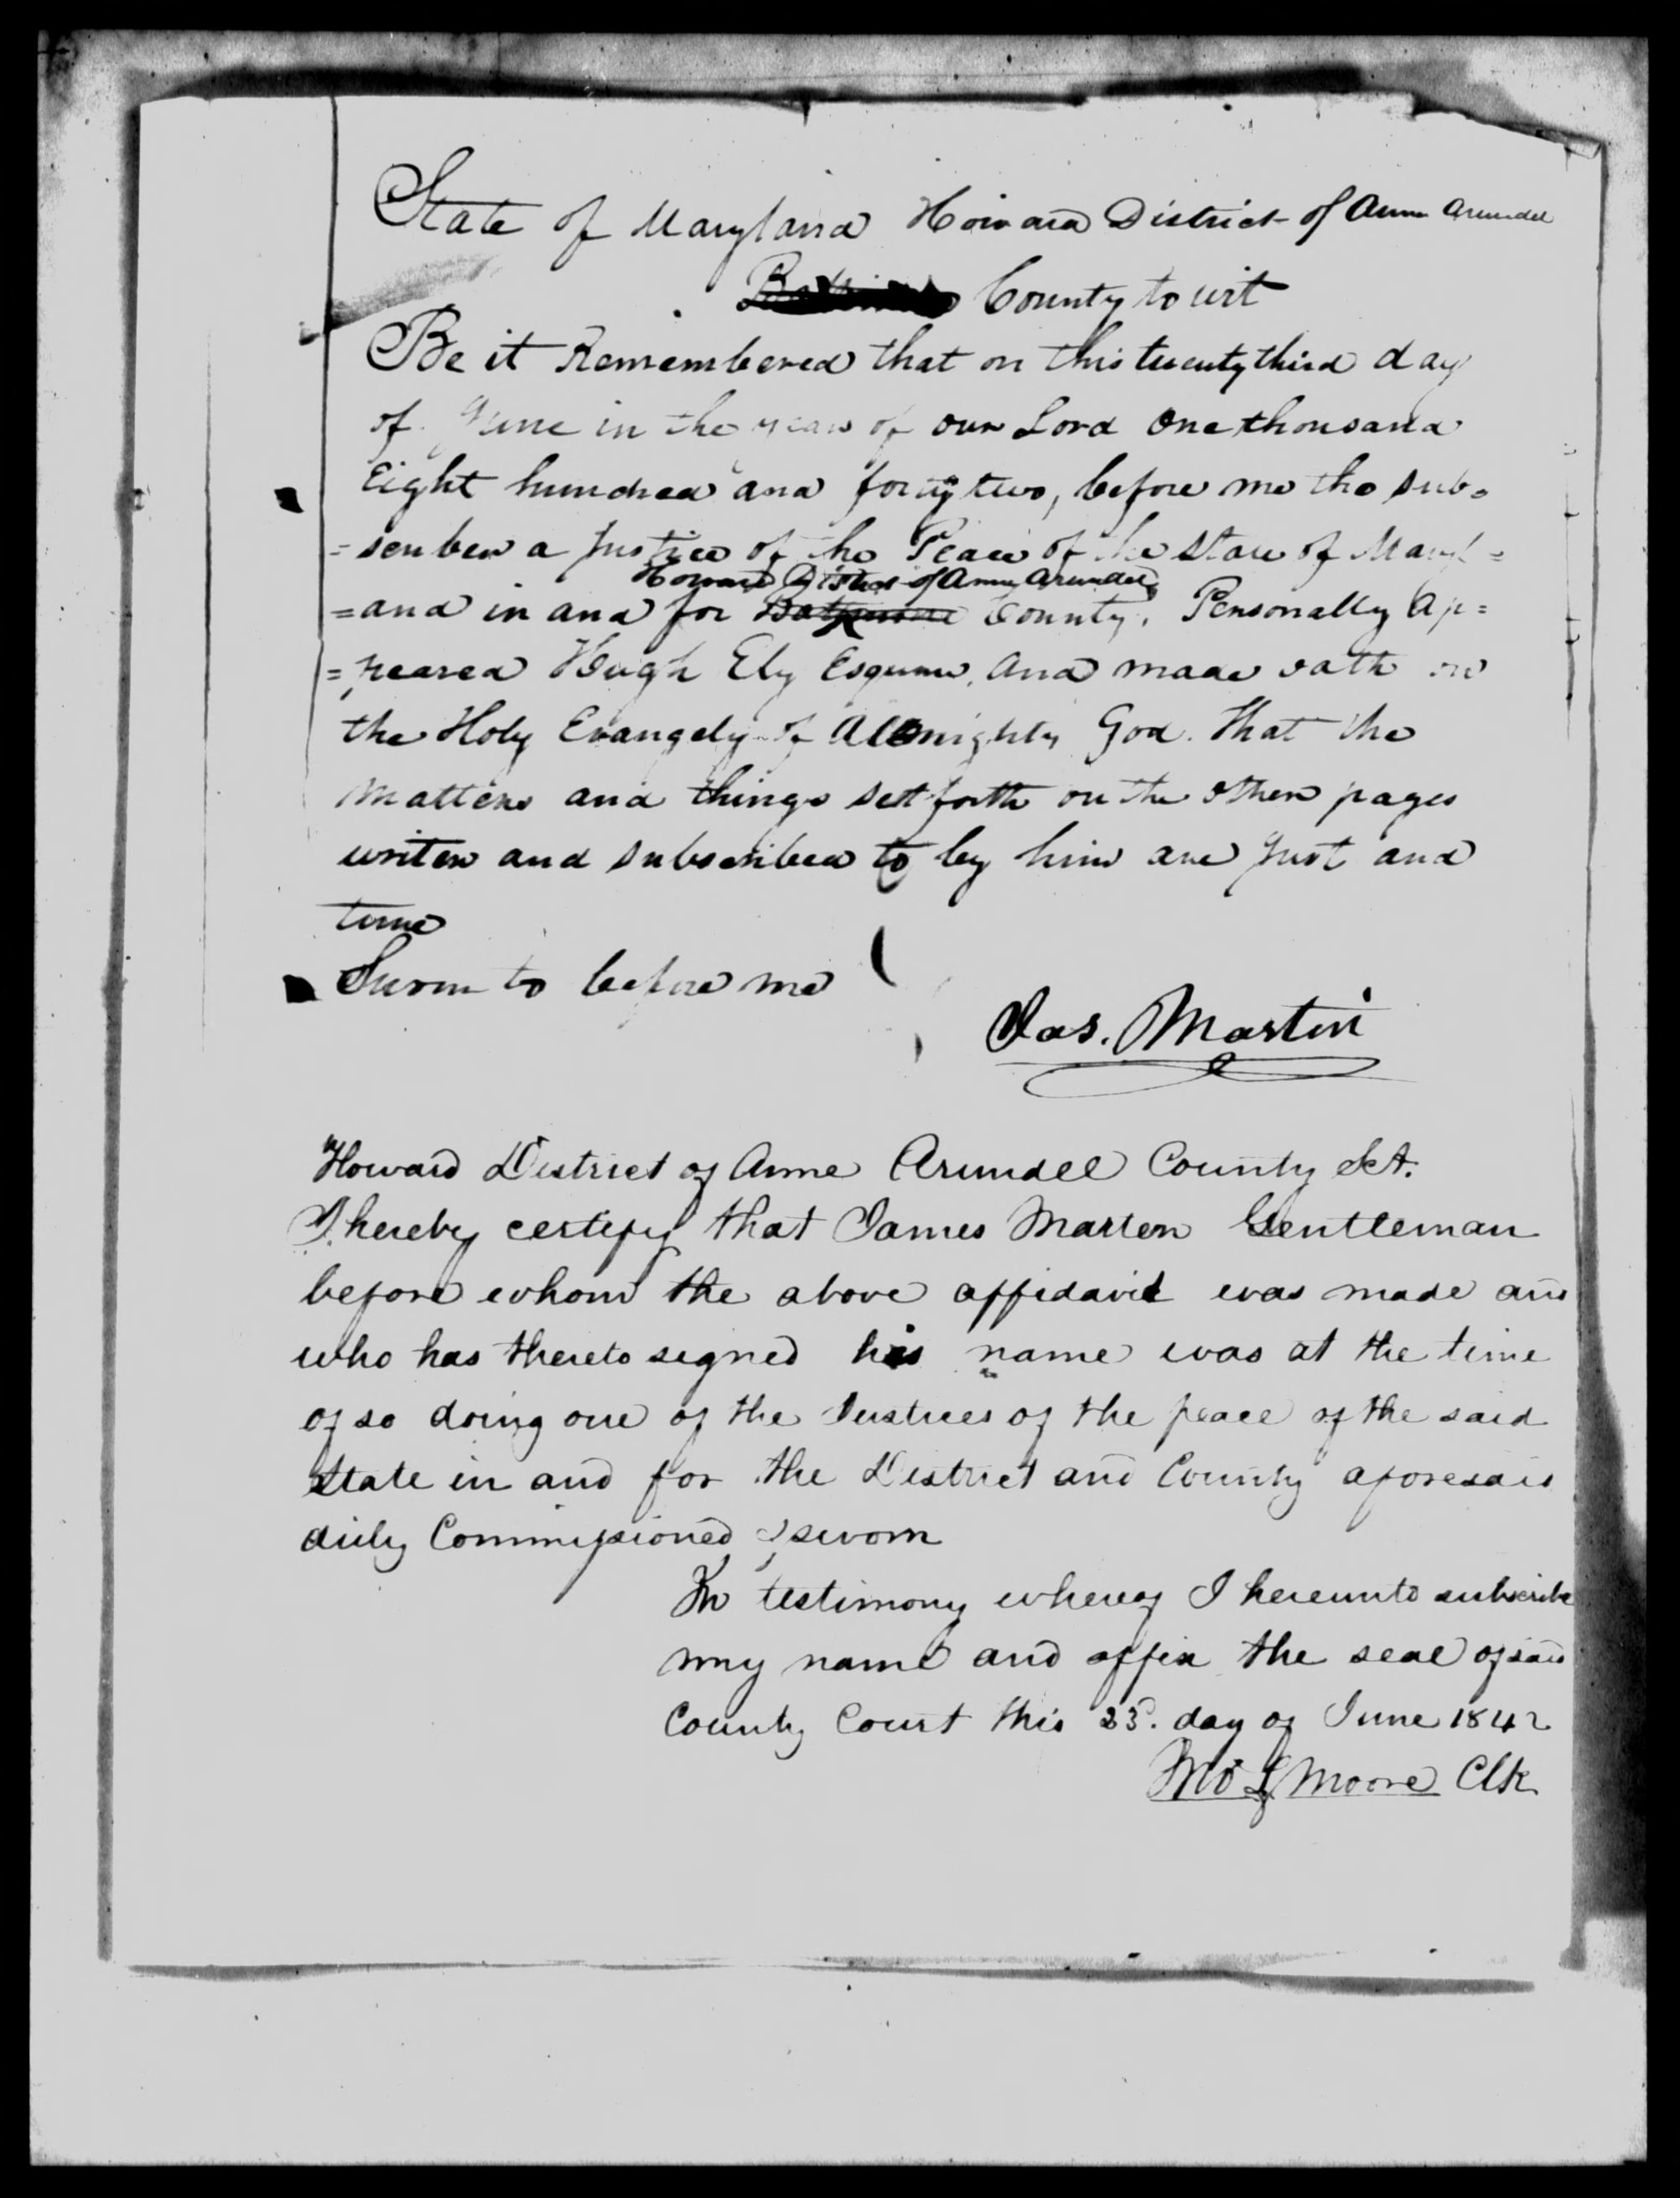State of Maryland Howard District of Anne Arundel [illegible crossed out] County to wit
Be it Remembered that on this twenty third day of June in the year of our Lord one thousand
Eight hundred and forty two, before me the subscriber a Justice of the Peace of the State of Maryland in and for [Baltimore crossed out] Howard District of Anne Arundel County, Personally appeared Hugh Ely Esquire, and made oath on the Holy Evangely of Almighty God that the matters and things set forth on the other pages writen [written] and subscribed to by him are just and true
Sworn to before me 
Jas. Martin
Howard District of Anne Arundel County Sct.
I hereby certify that James Martin Gentleman before whom the above affidavit was made and
who has thereto signed his name was at the time of so doing one of the Justices of the peace of the said State in and for the District and County aforesaid duly commissioned & sworn
In testimony whereof I hereunto subscribe 
my name and affix the seal of said
County Court this 23d day of June 1842
Jno [John] Moore Clk [Clerk]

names: James Martin, Hugh Ely, Jno J Moore, Chas Martin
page: 21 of 43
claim: survivor's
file: S. 15240, Thomas White, Md.